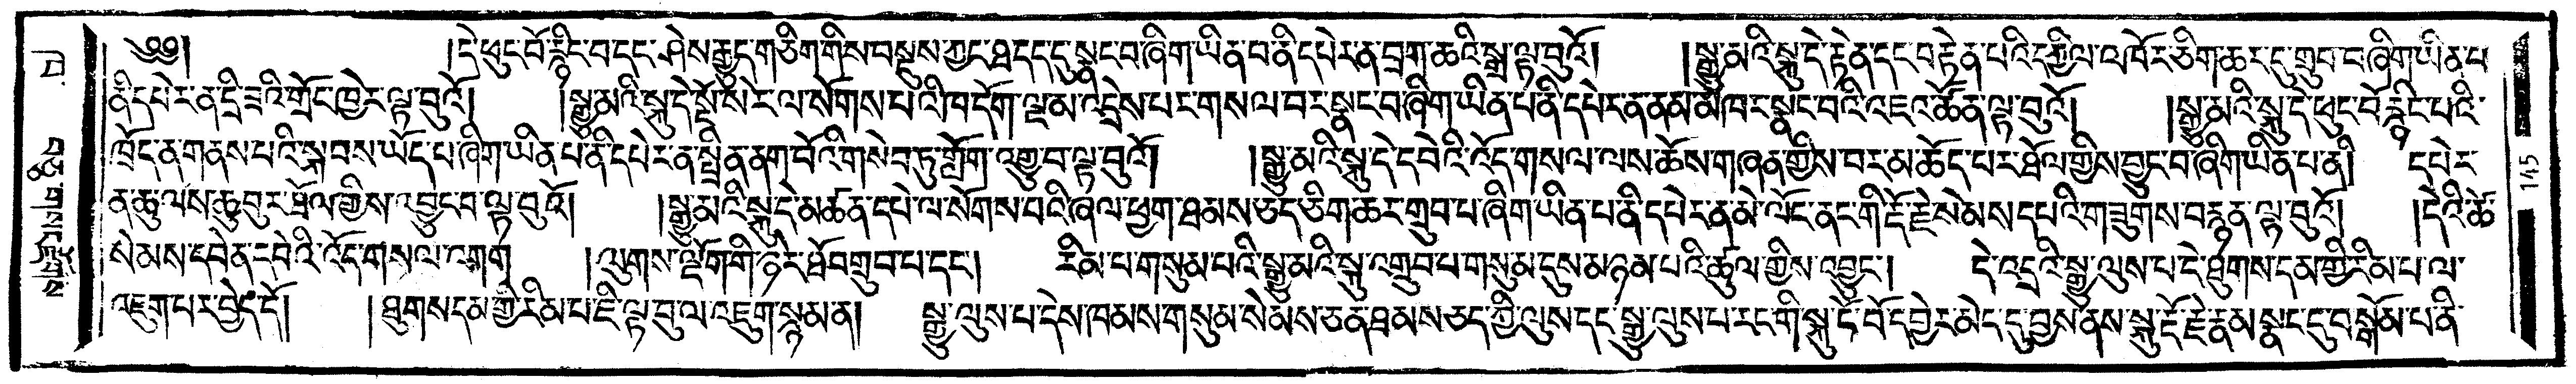༄༅། །དེ་ཕུང་པོ་རྙིང་བ་དང་ཤེས་རྒྱུད་གཅིག་གིས་བསྡུས་ཀྱང་ཐ་དད་དུ་སྣང་བ་ཞིག་ཡིན་བ་ནི་དཔེར་ན་བྲག་ཆའི་སྒྲ་ལྟ་བུའོ། །སྒྱུ་མའི་སྐུ་དེ་རྟེན་དང་བརྟེན་པའི་དཀྱིལ་འཁོར་ཅིག་ཆར་དུ་གྲུབ་བ་ཞིག་ཡིན་པ་
ནི་དཔེར་ན་དྲི་ཟའི་གྲོང་ཁྱེར་ལྟ་བུའོ། །སྒྱུ་མའི་སྐུ་དེ་སྔོ་སེར་ལ་སོགས་པའི་ཁ་དོག་ལྔ་མ་འདྲེས་པར་གསལ་བར་སྣང་བ་ཞིག་ཡིན་པ་ནི་དཔེར་ན་ནམ་མཁར་སྣང་བའི་འཇའ་ཚོན་ལྟ་བུའོ། །སྒྱུ་མའི་སྐུ་དེ་ཕུང་པོ་རྙིང་པའི་
ཁྲོད་ན་གནས་པའི་སྐབས་ཡོད་པ་ཞིག་ཡིན་པ་ནི་དཔེར་ན་སྤྲིན་ནག་པོའི་གསེབ་ཏུ་གློག་འགྱུ་བ་ལྟ་བུའོ། །སྒྱུ་མའི་སྐུ་དེ་དཔེའི་འོད་གསལ་ལས་ཆོས་གཞན་གྱིས་བར་མ་ཆོད་པར་ཐོལ་གྱིས་བྱུང་བ་ཞིག་ཡིན་པ་ནི། །དཔེར་
ན་ཆུ་ལས་ཆུ་བུར་ཐོལ་གྱིས་འབྱུང་བ་ལྟ་བུའོ། །སྒྱུ་མའི་སྐུ་དེ་མཚན་དཔེ་ལ་སོགས་བའི་ཞལ་ཕྱག་ཐམས་ཅད་ཅིག་ཆར་གྲུབ་པ་ཞིག་ཡིན་པ་ནི་དཔེར་ན་མེ་ལོང་ནང་གི་རྡོ་རྗེ་སེམས་དཔའི་གཟུགས་བརྙན་ལྟ་བུའོ། །དེའི་ཚེ་
སེམས་དབེན་དཔེའི་འོད་གསལ་འགག །ལུགས་ལྡོག་གི་ཉེར་ཐོབ་གྲུབ་པ་དང་། རིམ་པ་གསུམ་པའི་སྒྱུ་མའི་སྐུ་འགྲུབ་པ་གསུམ་དུས་མཉམ་པའི་ཚུལ་གྱིས་འབྱུང་། དེ་འདྲའི་སྒྱུ་ལུས་པ་དེ་ཐུགས་དམ་གྱི་རིམ་པ་ལ་
འཇུག་པར་བྱེད་དོ། །ཐུགས་དམ་གྱི་རིམ་པ་ཇི་ལྟ་བུ་ལ་འཇུག་སྙམ་ན། སྒྱུ་ལུས་པ་དེས་ཁམས་གསུམ་སེམས་ཅན་ཐམས་ཅད་ཀྱི་ལུས་དང་སྒྱུ་ལུས་པ་རང་གི་སྐུ་ངོ་བོ་དབྱེར་མེད་དུ་བྱས་ནས་སྐུ་རྡོ་རྗེ་རྣམ་སྣང་དུ་བསྒོམ་པ་ནི་